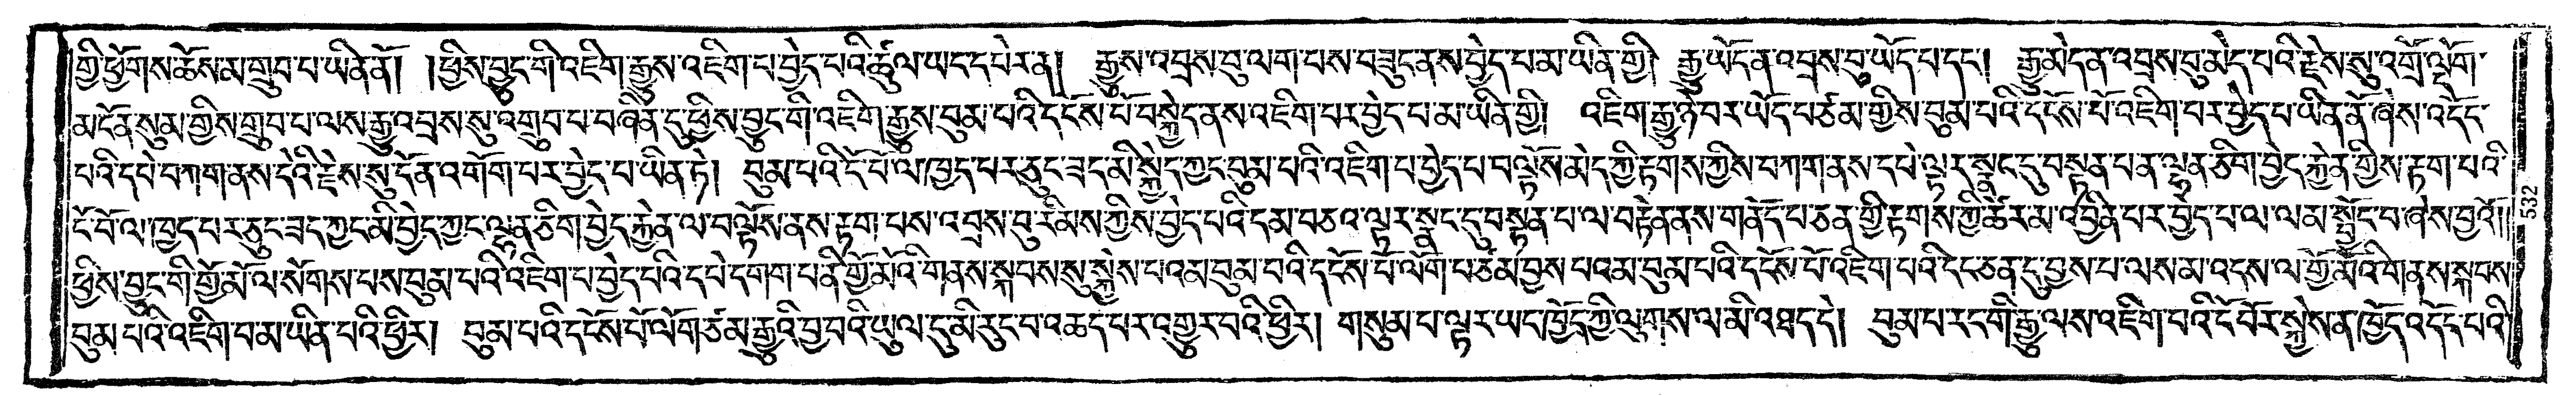གྱི་ཕྱོགས་ཆོས་མ་གྲུབ་པ་ཡིན་ནོ། །ཕྱིས་བྱུང་གི་འཇིག་རྒྱུས་འཇིག་པ་བྱེད་པའི་ཚུལ་ཡང་དཔེར་ན། རྒྱུས་འབྲས་བུ་ལག་པས་བཟུང་ནས་བྱེད་པ་མ་ཡིན་གྱི། རྒྱུ་ཡོད་ན་འབྲས་བུ་ཡོད་པ་དང་། རྒྱུ་མེད་ན་འབྲས་བུ་མེད་པའི་རྗེས་སུ་འགྲོ་ལྡོག་
མངོན་སུམ་གྱིས་གྲུབ་པ་ལས་རྒྱུ་འབྲས་སུ་འགྲུབ་པ་བཞིན་དུ་ཕྱིས་བྱུང་གི་འཇིག་རྒྱུས་བུམ་པའི་དངོས་པོ་བསྐྱེད་ནས་འཇིག་པར་བྱེད་པ་མ་ཡིན་གྱི། འཇིག་རྒྱུ་ཉེ་བར་ཡོད་པ་ཙམ་གྱིས་བུམ་པའི་དངོས་པོ་འཇིག་པར་བྱེད་པ་ཡིན་ནོ་ཞེས་འདོད་
པའི་དཔེ་བཀག་ནས་དེའི་རྗེས་སུ་དོན་འགོག་པར་བྱེད་པ་ཡིན་ཏེ། བུམ་པའི་ངོ་བོ་ལ་ཁྱད་པར་ཅུང་ཟད་མི་སྐྱེད་ཀྱང་བུམ་པའི་འཇིག་པ་བྱེད་པ་བལྟོས་མེད་ཀྱི་རྟགས་ཀྱིས་བཀག་ནས་དཔེ་ལྟར་སྣང་དུ་བསྟན་པ་ན་ལྷན་ཅིག་བྱེད་རྐྱེན་གྱིས་རྟག་པའི་
ངོ་བོ་ལ་ཁྱད་པར་ཅུང་ཟད་ཀྱང་མི་བྱེད་ཀྱང་ལྷན་ཅིག་བྱེད་རྐྱེན་ལ་བལྟོས་ནས་རྟག་པས་འབྲས་བུ་རིམས་ཀྱིས་བྱེད་པའི་དམ་བཅའ་ལྟར་སྣང་དུ་བསྟན་པ་ལ་བརྟེན་ནས་གནོད་པ་ཅན་གྱི་རྟགས་ཀྱི་ཚེར་མ་འབྱིན་པར་བྱེད་པ་ལ་ལམ་སྦྱོང་བ་ཞེས་བྱའོ།།
ཕྱིས་བྱུང་གི་གྱོ་མོ་ལ་སོགས་པས་བུམ་པའི་འཇིག་པ་བྱེད་པའི་དཔེ་དགག་པ་ནི་གྱོ་མོའི་གནས་སྐབས་སུ་སྐྱེས་པའམ་བུམ་པའི་དངོས་པོ་ལོག་པ་ཙམ་བྱས་པའམ་བུམ་པའི་དངོས་པོ་འཇིག་པའི་དང་ཅན་དུ་བྱས་པ་ལས་མ་འདས་ལ་གྱོ་མོའི་གནས་སྐབས་
བུམ་པའི་འཇིག་པ་མ་ཡིན་པའི་ཕྱིར། བུམ་པའི་དངོས་པོ་ལོག་ཙམ་རྒྱུའི་བྱ་བའི་ཡུལ་དུ་མི་རུང་བ་འཆད་པར་འགྱུར་བའི་ཕྱིར། གསུམ་པ་ལྟར་ཡང་ཁྱོད་ཀྱི་ལུགས་ལ་མི་འཐད་དེ། བུམ་པ་རང་གི་རྒྱུ་ལས་འཇིག་པའི་ངོ་བོར་སྐྱེས་ན་ཁྱོད་འདོད་པའི་